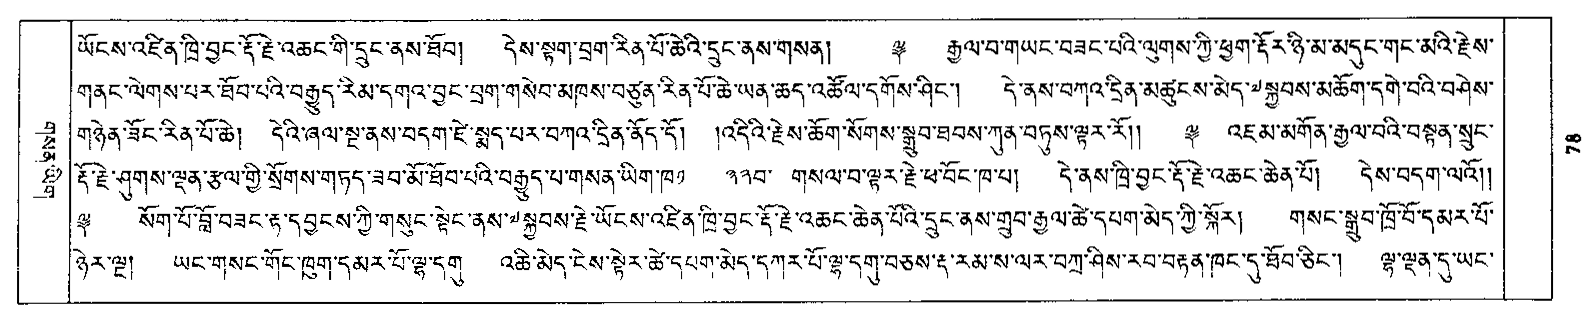ཡོངས་འཛིན་ཁྲི་བྱང་རྡོ་རྗེ་འཆང་གི་དྲུང་ནས་ཐོབ། དེས་སྟག་བྲག་རིན་པོ་ཆེའི་དྲུང་ནས་གསན། ༈ རྒྱལ་བ་གཡང་བཟང་པའི་ལུགས་ཀྱི་ཕྱག་རྡོར་ཉི་མ་མདུང་གང་མའི་རྗེས་
གནང་ལེགས་པར་ཐོབ་པའི་བརྒྱུད་རིམ་དགའ་བྱང་བྲག་གསེབ་མཁས་བཙུན་རིན་པོ་ཆེ་ཡན་ཆད་འཚོལ་དགོས་ཤིང་། དེ་ནས་བཀའ་དྲིན་མཚུངས་མེད་༧་སྐྱབས་མཆོག་དགེ་བའི་བཤེས་
གཉེན་ཟོང་རིན་པོ་ཆེ། དེའི་ཞལ་སྔ་ནས་བདག་ཛེ་སྨད་པར་བཀའ་དྲིན་ནོད་དོ། །འདིའི་རྗེས་ཆོག་སོགས་སྒྲུབ་ཐབས་ཀུན་བཏུས་ལྟར་རོ།། ༈ འཇམ་མགོན་རྒྱལ་བའི་བསྟན་སྲུང་
རྡོ་རྗེ་ཤུགས་ལྡན་རྩལ་གྱི་སྲོགས་གཏད་ཟབ་མོ་ཐོབ་པའི་བརྒྱུད་པ་གསན་ཡིག་ཁ ༡ ༣༢་བ་གསལ་བ་ལྟར་རྗེ་ཕ་བོང་ཁ་པ། དེ་ནས་ཁྲི་བྱང་རྡོ་རྗེ་འཆང་ཆེན་པོ། དེས་བདག་ལའོ།།
༈ སོག་པོ་བློ་བཟང་རྟ་དབྱངས་ཀྱི་གསུང་སྟེང་ནས་༧་སྐྱབས་རྗེ་ཡོངས་འཛིན་ཁྲི་བྱང་རྡོ་རྗེ་འཆང་ཆེན་པོའི་དྲུང་ནས་གྲུབ་རྒྱལ་ཚེ་དཔག་མེད་ཀྱི་སྐོར། གསང་སྒྲུབ་ཁྲོ་བོ་དམར་པོ་
ཉེར་ལྔ། ཡང་གསང་གོང་ཁུག་དམར་པོ་ལྷ་དགུ་འཆི་མེད་ངེས་སྟེར་ཚེ་དཔག་མེད་དཀར་པོ་ལྷ་དགུ་བཅས་རྡ་རམ་ས་ལར་བཀྲ་ཤིས་རབ་བརྟན་ཁང་དུ་ཐོབ་ཅིང་། ལྷ་ལྡན་དུ་ཡང་